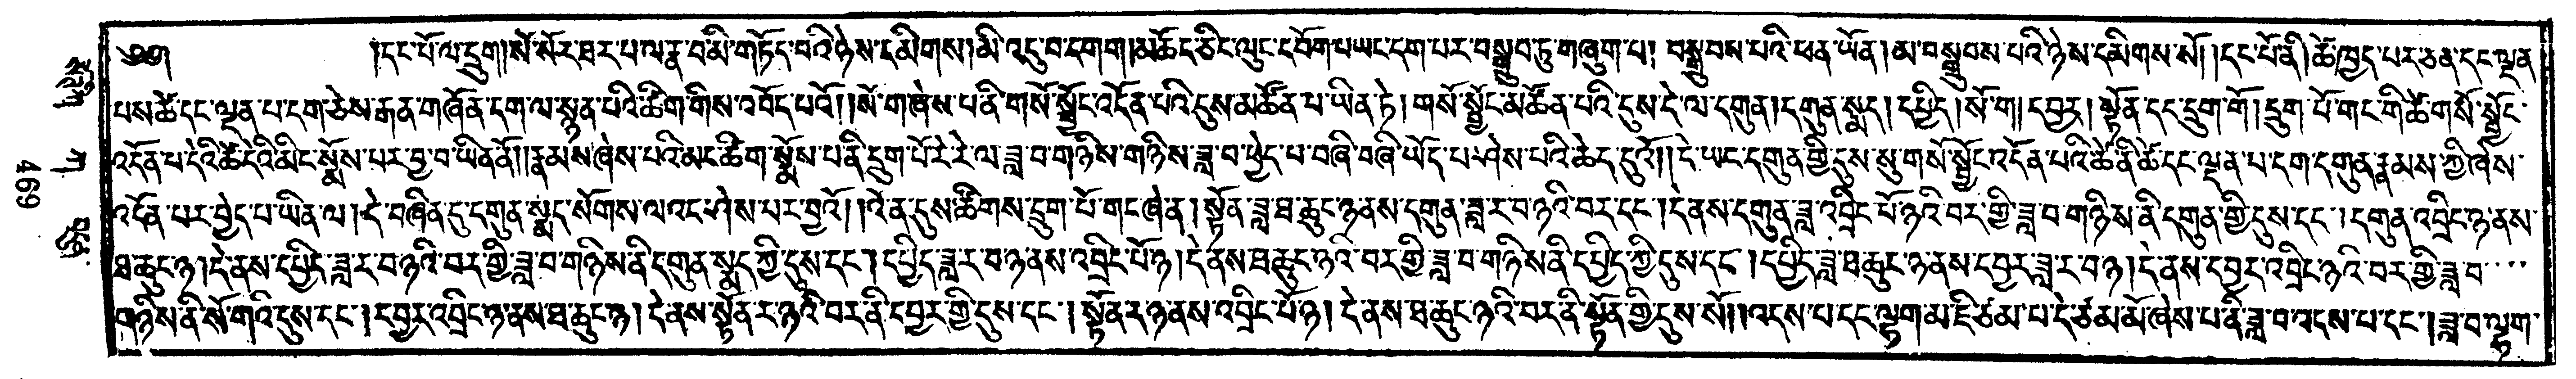༄༅། །དང་པོ་ལ་དྲུག། སོ་སོར་ཐར་པ་ལ་རྣ་བ་མི་གཏོད་པའི་ཉེས་དམིགས། མི་འདུ་བ་དགག །མཆོད་ཅིང་ལུང་དབོག་པ་ཡང་དག་པར་བསྒྲུབ་ཏུ་གཞུག་པ། བསྒྲུབས་པའི་ཕན་ཡོན་།མ་བསྒྲུབས་པའི་ཉེས་དམིགས་སོ། །དང་པོ་ནི། ཚེ་ཁྱད་པར་ཅན་དང་ལྡན་
པས་ཚེ་དང་ལྡན་པ་དག་ཅེས་རྒན་གཞོན་དག་ལ་སྙན་པའི་ཚིག་གིས་འབོད་པའོ། །སོ་ག་ཞེས་པ་ནི་གསོ་སྦྱོང་འདོན་པའི་དུས་མཚོན་པ་ཡིན་ཏེ། གསོ་སྦྱོང་མཚོན་པའི་དུས་དེ་ལ་དགུན། དགུན་སྨད། དཔྱིད། སོ་ག། དབྱར། སྟོན་དང་དྲུག་གོ །དྲུག་པོ་གང་གི་ཚེ་གསོ་སྦྱོང་
འདོན་པ་དེའི་ཚེ་དེའི་མིང་སྨོས་པར་བྱ་བ་ཡིན་ནོ། །རྣམས་ཞེས་པའི་མང་ཚིག་སྨོས་པ་ནི་དྲུག་པོ་རེ་རེ་ལ་ཟླ་བ་གཉིས་གཉིས་ཟླ་བ་ཕྱེད་པ་བཞི་བཞི་ཡོད་པ་ཤེས་པའི་ཆེད་དུའོ། །དེ་ཡང་དགུན་གྱི་དུས་སུ་གསོ་སྦྱོང་འདོན་པའི་ཚེ་ནི་ཚེ་དང་ལྡན་པ་དག་དགུན་རྣམས་ཀྱི་ཞེས་
འདོན་པར་བྱེད་པ་ཡིན་ལ། དེ་བཞིན་དུ་དགུན་སྨད་སོགས་ལའང་ཤེས་པར་བྱའོ། །འོ་ན་དུས་ཚིགས་དྲུག་པོ་གང་ཞེ་ན་།སྟོན་ཟླ་ཐ་ཆུང་ཉ་ནས་དགུན་ཟླ་ར་བ་ཉའི་བར་དང་། དེ་ནས་དགུན་ཟླ་འབྲིང་པོ་ཉའི་བར་གྱི་ཟླ་བ་གཉིས་ནི་དགུན་གྱི་དུས་དང་།དགུན་འབྲིང་ཉ་ནས་
ཐ་ཆུང་ཉ་།དེ་ནས་དཔྱིད་ཟླ་ར་བ་ཉའི་བར་གྱི་ཟླ་བ་གཉིས་ནི་དགུན་སྨད་ཀྱི་དུས་དང་། དཔྱིད་ཟླ་ར་བ་ཉ་ནས་འབྲིང་པོ་ཉ། དེ་ནས་ཐ་ཆུང་ཉའི་བར་གྱི་ཟླ་བ་གཉིས་ནི་དཔྱིད་ཀྱི་དུས་དང་།དཔྱིད་ཟླ་ཐ་ཆུང་ཉ་ནས་དབྱར་ཟླ་ར་བ་ཉ་།དེ་ནས་དབྱར་འབྲིང་ཉའི་བར་གྱི་ཟླ་བ་
གཉིས་ནི་སོ་གའི་དུས་དང་། དབྱར་འབྲིང་ཉ་ནས་ཐ་ཆུང་ཉ། དེ་ནས་སྟོན་ར་ཉའི་བར་ནི་དབྱར་གྱི་དུས་དང་། སྟོན་ར་ཉ་ནས་འབྲིང་པོ་ཉ། དེ་ནས་ཐ་ཆུང་ཉའི་བར་ནི་སྟོན་གྱི་དུས་སོ། །འདས་པ་དང་ལྷག་མ་ཇི་ཙམ་པ་དེ་ཙམ་མོ་ཞེས་པ་ནི་ཟླ་བ་འདས་པ་དང་། ཟླ་བ་ལྷག་